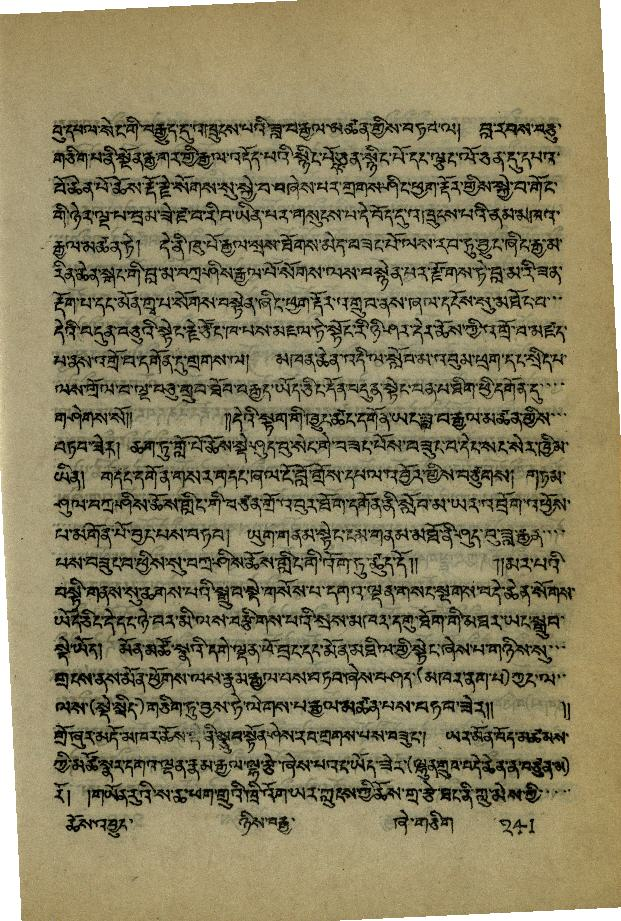བུ་དཔལ་སེང་གི་བརྒྱུད་དུ་འཁྲུངས་པའི་ཟླ་བ་རྒྱལ་མཚན་གྱིས་བཏབ་ལ། བླ་རབས་བཅུ་
གཅིག་པ་ནི་སྔོན་རྒྱ་གར་གྱི་རྒྱལ་འདོད་པའི་སྙིང་པོ་དང་ཅན་སྙིང་པོ་དང་ལྕང་ལོ་ཅན་དུ་དཔའ་
བོ་ཆེན་པོ་ཆོས་རྡོ་རྗེ་སོགས་སུ་སྐྱེ་བ་བཞེས་པར་གྲགས་ཤིང་ཕྱག་རྡོར་གྱིས་སྐྱེ་བ་གོང་
གི་ཉེར་ལྔ་པ་བྲམ་ཟེ་ཛ་བ་རི་བ་ཡིན་པར་གསུངས་པ་དེ་བོད་དུ་འཁྲུངས་པའི་ནམ་མཁའ་
རྒྱལ་མཚན་ཏེ། དེ་ནི་ཁུ་པོ་རྒྱལ་སྲས་ཐོགས་མེད་བཟང་པོ་ལས་རབ་ཏུ་བྱུང་ཞིང་རྒྱ་མ་
རིན་ཆེན་སྒང་གི་བླ་མ་བཀྲ་ཤིས་རྒྱལ་པོ་སོགས་ལས་བསྙེན་པར་རྫོགས་ཏེ་བླ་མ་རི་ཟན་
རྡོག་པ་དང་མོན་གྲྭ་པ་སོགས་བསྟེན་ཞིང་ཕྱག་རྡོར་འགྲུབ་ནས་ཞལ་དངོས་སུ་མཐོང་བ་
དེའི་བདུན་བཅུའི་སྟེང་རྗེ་ཙོང་ཁ་པས་མཇལ་ཏེ་སྟོང་རི་ཉི་ཤར་དེར་ཆོས་ཀྱི་འགྲོ་བ་མཛད་
པ་ནས་འགྲོ་བ་དགོན་དུ་གྲགས་ལ། མཁན་ཆེན་འདི་ལ་སློབ་མ་འབུམ་ཕྲག་དང་སྲིད་པ་
ལས་གྲོལ་བ་ལྔ་བཅུ་གྲུབ་ཐོབ་བརྒྱད་ཡོད་ཅིང་དོན་བདུན་སྟེང་བན་པ་ཐིག་ཕྱི་དགོན་དུ་
གཤེགས་སོ།། །།དེའི་སྟག་གི་ཁྱུང་ཚང་དགོན་ཡང་ཟླ་བ་རྒྱལ་མཚན་གྱིས་
བཏབ་ཟེར། ཆག་ཏུ་གློ་པོ་ཆོས་སྡེ་ཤུད་བུ་སེང་གེ་བཟང་པོས་བཟུང་བ་དེང་སང་སེར་ཁྱིམ་
ཡིན། གདོང་དགོན་གསར་གདང་ཞལ་ངོ་བློ་གྲོས་དཔལ་འབྱོར་གྱིས་བཙུགས། གཏམ་
ཤུལ་བཀྲ་ཤིས་ཆོས་གླིང་གི་བཙན་གྲོ་འབུར་ཐོག་དགོན་ནི་སློབ་མ་ཡར་འབྲོག་འཕྱོས་
པ་མགོན་པོ་བྱང་པས་བཏབ། ཡུག་གནམ་སྟེང་ངམ་གནམ་མཐོ་ནི་ཤུད་བུ་ཟླ་རྒྱན་
པས་བཟུང་བ་ཕྱིས་སུ་བཀྲ་ཤིས་ཆོས་གླིང་གི་འོག་ཏུ་ཚུད་དོ།། །།མར་པའི་
བསྟི་གནས་སུ་ཆགས་པའི་སྒྲུབ་སྡེ་གསོས་པ་དགའ་ལྡན་གསང་སྔགས་བདེ་ཆེན་སོགས་
ཡོད་ཅིང་དེ་དང་ཉེ་བར་མི་ལས་བརྩིགས་པའི་སྲས་མཁར་དགུ་ཐོག་གི་མཐར་ཡང་སྒྲུབ་
སྡེ་ཡོད། མོན་མཚོ་སྣའི་དགེ་ལྡན་ཕོ་བྲང་དང་མོན་མཐིལ་གྱི་སྟེང་ཞེས་པ་གཉིས་སུ་
གྲངས་ནས་མོན་ཕྱོགས་ལས་རྣམ་རྒྱལ་བས་བཏབ་ཞེས་བཤད་མཁར་ནག་པ་ཀྱང་ལ་
ལས་སྡེ་སྦིད་གཅིག་ཏུ་བྱས་ཏེ་ལེགས་པ་རྒྱལ་མཚན་པས་བཏབ་ཟེར།། །།
གྲོ་ཞུར་མདོ་མཁར་ཆོས་སྡེ་ནི་སྩུབ?་སྟོན་ཤེས་རབ་གྲགས་པས་བཟུང་། ཡར་མོན་བོད་མཚམས་
ཀྱི་མཚོ་སྣར་དགའ་ལྡན་རྣམ་རྒྱལ་ལྷ་རྩེ་ཞེས་པའང་ཡོད་ཟེར་ལྷུན་གྲུབ་བདེ་ཆེན་ན་བཙུན་མ
རོ། །གཡོན་རུའི་ས་ཆ་ཕག་གྲུའི་ཁྲི་འོག་ཡར་ཀླུངས་ཀྱི་ཆོས་གྲ་རྩེ་ཐང་ནི་ཀླུ་མེས་ཀྱི་